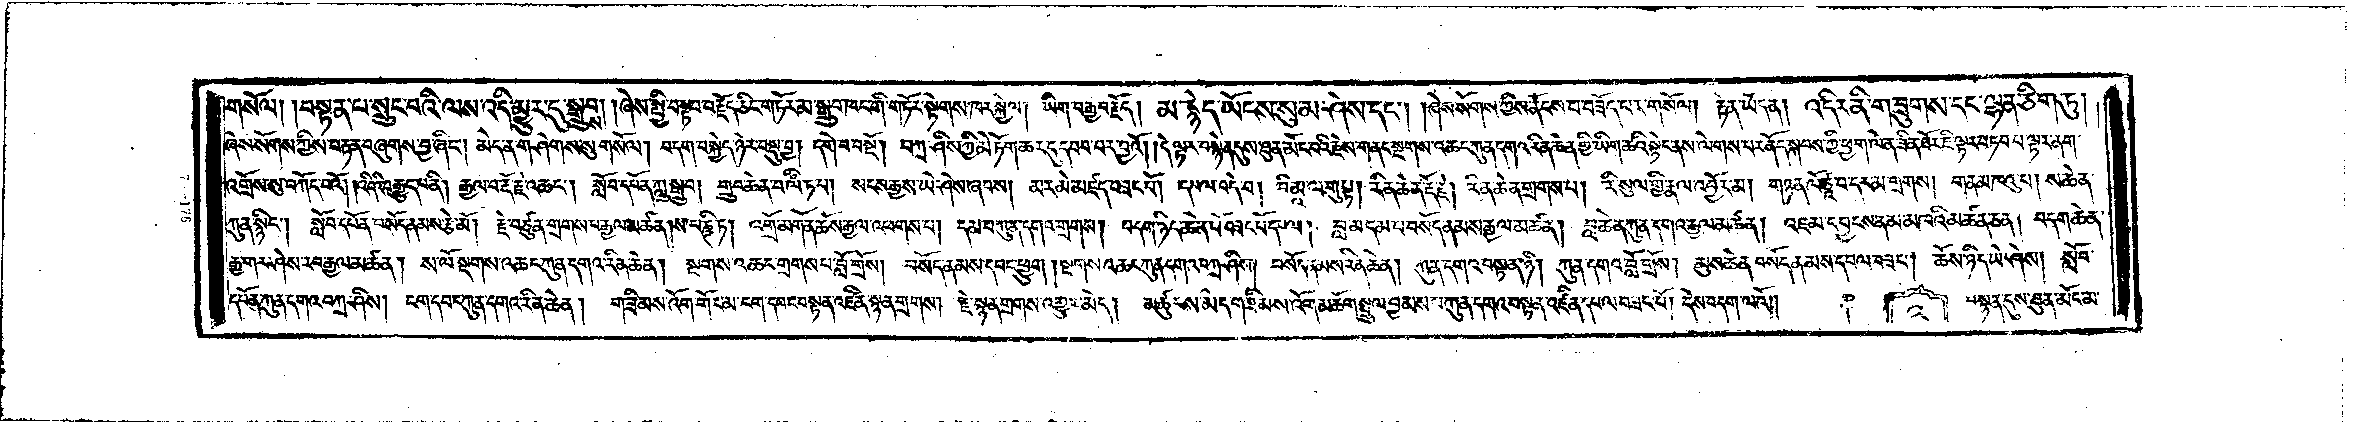གསོལ། །བསྟན་པ་སྲུང་བའི་ལས་འདི་མྱུར་དུ་སྒྲུབ། །ཞེས་སྤྱི་བསྟབ་བརྗོད་ཅིང་གཏོར་མ་སྒྲུབ་ཁང་གི་གཏོར་སྟེགས་ཁར་སྐྱེལ། ཡིག་བརྒྱ་བརྗོད།  མ་རྙེད་ཡོངས་སུ་མ་ཤེས་དང་། །ཞེས་སོགས་ཀྱིས་ནོངས་པ་བཟོད་པར་གསོལ། རྟེན་ཡོད་ན།  འདིར་ནི་གཟུགས་དང་ལྷན་ཅིག་ཏུ།།
ཞེས་སོགས་ཀྱིས་བརྟན་བཞུགས་བྱ་ཞིང་། མེད་ན་གཤེགས་སུ་གསོལ། བདག་བསྐྱེད་ཉེར་བསྡུ་བྱ། དགེ་?་བསྔོ། བཀྲ་ཤིས་ཀྱི་མེ་ཏོག་ཆར་དུ་དབབ་པར་བྱའོ། །དེ་ལྟར་བསྙེན་དུས་ཐུན་མོང་བའི་རྗེས་གནང་སྔགས་འཆང་ཀུན་དགའ་རིན་ཆེན་གྱི་ཡིག་ཆའི་སྟེང་ནས་ཡེགས་པར་ནོད་སྐབས་ཀྱི་ཕྱག་ལེན་ཟིན་ཐོར་ཇི་ལྟར་བཏབ་པ་ལྟར་ནག་
འགྲོས་སུ་བཀོད་པའོ། །འདིའི་བརྒྱུད་བ་ནི། རྒྱལ་བ་རྡོ་རྗེ་འཆང་། སློབ་དཔོན་ཀླུ་སྒྲུབ། གྲུབ་མིན་བ་ལ་ཏ་པ། སངས་རྒྱས་ཡེ་ཤེས་ཞབས། མར་མེ་མཛད་བཟང་པོ། དཔལ་བདེ་བ། བིམཱ་ལ་གུཔྟ། རིན་ཆེན་རྡོ་རྗེ། རིན་ཆེན་གྲགས་པ། རི་སུལ་གྱི་རྣལ་འབྱོར་མ། གཉན་ལོཙཱ་བ་དར་མ་གྲགས། གནམ་ཁའུ་བ། ས་ཆེན་
ཀུན་སྙིང་། སློབ་དཔོན་བསོད་ནམས་རྩེ་མོ། རྗེ་བཙུན་གྲགས་པ་རྒྱལ་མཚན་།ས་པཎྜི་ཏ། འགྲོ་མགོན་ཆོས་རྒྱལ་འཕགས་པ། དམ་བཀུན་དགའ་གྲགས། བདག་ཉིད་ཆེན་པོ་བཟང་པོ་དཔལ། བླ་མ་དམ་པ་བསོད་ནམས་རྒྱལ་མཚན། བླ་ཆན་ཀུན་དགའ་རྒྱལ་མཚན། འཇམ་དབྱངས་ནམ་མཁའི་མཚན་ཅན། བདག་ཆེན་
རྒྱ་གར་ཤེས་རབ་རྒྱལ་མཚན། ས་ལོ་སྔགས་འཆང་ཀུན་དགའ་རིན་ཆེན། སྔགས་འཆང་གྲགས་པ་བློ་གྲོས། བསོད་ནམས་དབང་ཕྱུག །སྔགས་འཆང་ཀུན་དགའ་བཀྲ་ཤིས། བསོད་ནམས་རིན་ཆན། ཀུན་དགའ་བསྟན་ཉི། ཀུན་དགའ་བློ་གྲོས། མུས་ཆེན་བསོད་ནམས་དབལ་བཟང་། ཆོས་ཉིད་ཡེ་ཤེས། སློབ་
དཔོན་ཀུན་དགའ་བཀྲ་ཤིས། ངག་དབང་ཀུན་དགའ་རིན་ཆེན། གཟིམས་འོག་གོང་མ་ངག་དབང་བསྟན་འཛིན་སྙན་གྲགས། རྗེ་སྙན་གྲགས་འགྱུར་མེད། མཚུངས་མེད་གཟིམས་འོག་མཆོག་སྤྲུལ་བྱམས་པ་ཀུན་དགའ་བསྟན་འཛིན་དཔལ་བཟང་པོ། དེས་བདག་ལའོ། ༈ ༼༽༢༼༽ བསྙེན་དུས་ཐུན་མོང་མ་